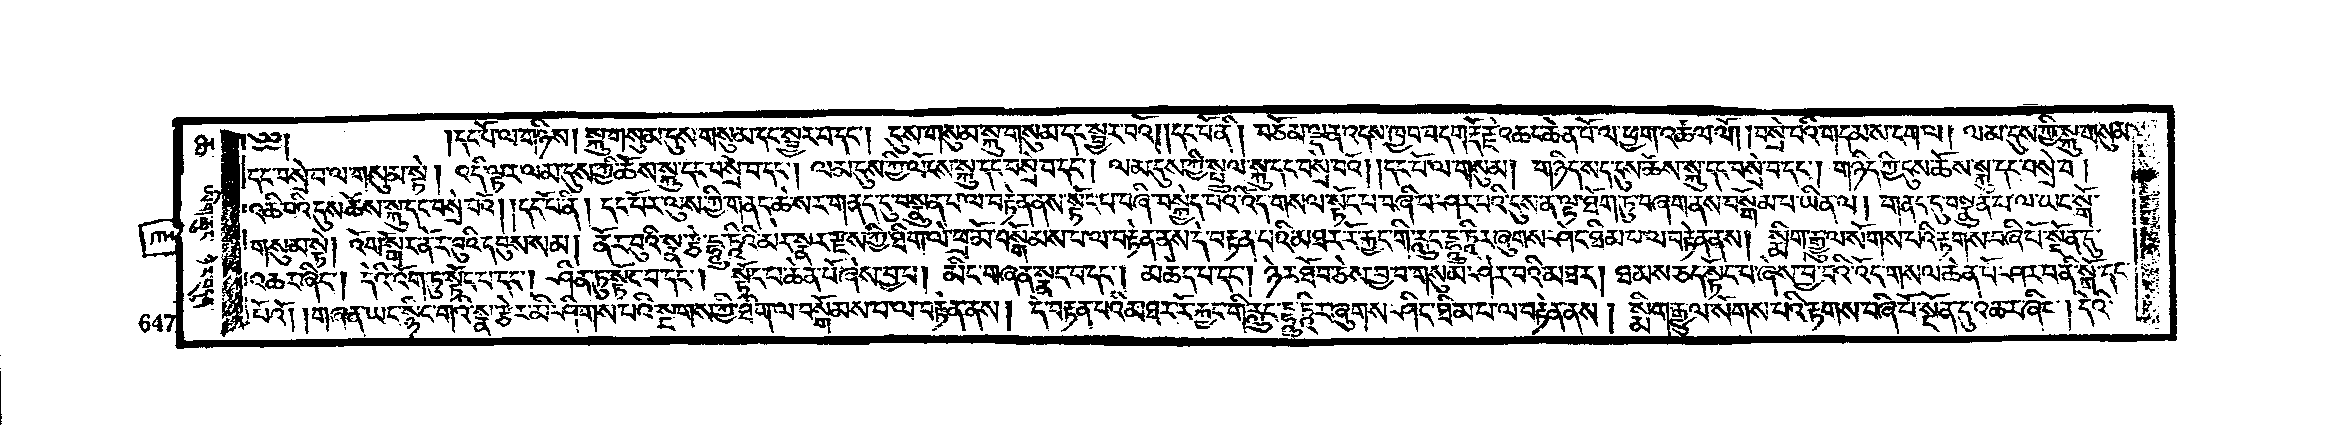༄༅། །དང་པོ་ལ་གཉིས། སྐུ་གསུམ་དུས་གསུམ་དང་སྦྱར་བ་དང་། དུས་གསུམ་སྐུ་གསུམ་དང་སྦྱར་བའོ། །དང་པོ་ནི། བཅོམ་ལྡན་འདས་ཁྱབ་བདག་རྡོ་རྗེ་འཆང་ཆེན་པོ་ལ་ཕྱག་འཚལ་ལོ། །བསྲེ་བའི་གདམས་ངག་ལ། ལམ་དུས་ཀྱི་སྐུ་གསུམ་
དང་བསྲེ་བ་ལ་གསུམ་སྟེ། འདི་ལྟར་ལམ་དུས་ཀྱི་ཆོས་སྐུ་དང་བསྲེ་བ་དང་། ལམ་དུས་ཀྱི་ལོངས་སྐུ་དང་བསྲེ་བ་དང་། ལམ་དུས་ཀྱི་སྤྲུལ་སྐུ་དང་བསྲེ་བའོ། །དང་པོ་ལ་གསུམ། གཉིད་སད་དུས་ཆོས་སྐུ་དང་བསྲེ་བ་དང་། གཉིད་ཀྱི་དུས་ཆོས་སྐུ་དང་བསྲེ་བ།
འཆི་བའི་དུས་ཆོས་སྐུ་དང་བསྲེ་བའོ། །དང་པོ་ནི། དང་པོར་ལུས་ཀྱི་གནད་ཆེ་སར་གནད་དུ་བསྣུན་པ་ལ་བརྟེན་ནས་སྟོང་པ་བཞི་བསྐྱེད་པའི་འོད་གསལ་སྟོང་པ་བཞི་པ་ཤར་བའི་དུས་ན་ལྟ་ཐོག་ཏུ་བཞག་ནས་བསྒོམ་པ་ཡིན་ལ། གནད་དུ་བསྣུན་པ་ལ་ཡང་སྒོ་
གསུམ་སྟེ། འོག་སྒོར་ནོར་བུའི་དབུས་སམ། ནོར་བུའི་རྩེ་དྷཱུ་ཏཱིའི་མེར་སྣར་རྫས་ཀྱི་ཐིག་ལེ་ཕྲ་མོ་བསྒོམས་པ་ལ་བརྟེན་ནས་དེ་བརྟན་པའི་མཐར་རོ་རྐྱང་གི་རླུང་དྷཱུ་ཏཱིར་ཞུགས་ཤིང་ཐིམ་པ་ལ་བརྟེན་ནས། སྨིག་རྒྱུ་ལ་སོགས་པའི་རྟགས་བཞི་པོ་སྔོན་དུ་
འཆར་ཞིང་། དེའི་འོག་ཏུ་སྟོང་པ་དང་། ཤིན་ཏུ་སྟོང་པ་དང་། སྟོང་པ་ཆེན་པོ་ཞེས་བྱ་བ། མིང་གཞན་སྣང་བ་དང་། མཆེད་པ་དང་། ཉེར་ཐོབ་ཅེས་བྱ་བ་གསུམ་ཤར་བའི་མཐར། ཐམས་ཅད་སྟོང་པ་ཞེས་བྱ་བའི་འོད་གསལ་ཆེན་པོ་ཤར་བ་ནི་སྒོ་དང་
པོའོ། །གཞན་ཡང་སྙིང་གའི་སྣ་རྩེར་མི་ཤིགས་པའི་སྔགས་ཀྱི་ཐིག་ལ་བསྒོམས་པ་ལ་བརྟེན་ནས། དེ་བརྟེན་པའི་མཐར་རོ་རྐྱང་གི་རླུང་དྷཱུ་ཏཱིར་ཞུགས་ཤིང་ཐིམ་པ་ལ་བརྟེན་ནས། སྨིག་རྒྱུ་ལ་སོགས་པའི་རྟགས་བཞི་པོ་སྔོན་དུ་འཆར་ཞིང་། དེའི་